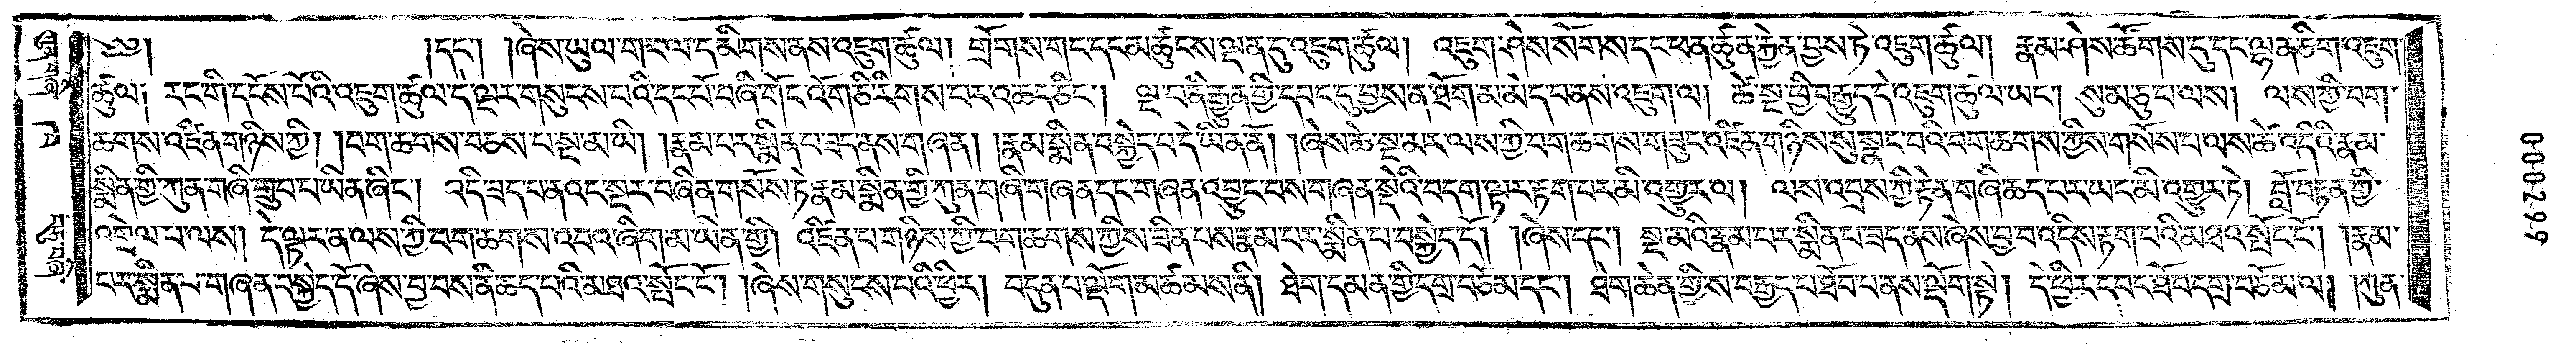༄༅། །དང་། །ཞེས་ཡུལ་གང་ལ་དམིགས་ནས་འཇུག་ཚུལ། གྲོགས་གང་དང་མཚུངས་ལྡན་དུ་འཇུག་ཚུལ། འཇུག་ཤེས་སོགས་དང་ཕན་ཚུན་རྐྱེན་བྱས་ཏེ་འཇུག་ཚུལ། རྣམ་ཤེས་ཚོགས་དུ་དང་ལྷན་ཅིག་འཇུག་
ཚུལ༑ རང་གི་དངོས་པོའི་འཇུག་ཚུལ་ད་ལྔར་གསུངས་པའི་དང་པོ་བཞི་གོང་འོག་ཅི་རིགས་པར་འཆད་ཅིང་། ལྔ་པ་ནི་རྒྱུན་གྱི་དབང་དུ་བྱས་ན་ཐོག་མ་མེད་པ་ནས་འཇུག་ལ། ཚེ་སྔ་ཕྱི་བརྒྱུད་དེ་འཇུག་ཚུལ་ཡང་། སུམ་ཅུ་པ་ལས། ལས་ཀྱི་བག་
ཆགས་འཛིན་གཉིས་ཀྱི། །བག་ཆགས་བཅས་པ་སྔ་མ་ཡི། །རྣམ་པར་སྨིན་པ་ཟད་ནས་གཞན། །རྣམ་སྨིན་བསྐྱེད་པ་དེ་ཡིན་ནོ། །ཞེས་ཚེ་སྔ་མར་ལས་ཀྱི་བག་ཆགས་གཟུང་འཛིན་གཉིས་སུ་སྣང་བའི་བག་ཆགས་ཀྱིས་གསོས་པ་ལས་ཚེ་འདིའི་རྣམ་
སྨིན་གྱི་ཀུན་གཞི་གྲུབ་པ་ཡིན་ཞིང་། འདི་ཟད་པ་ནའང་སྔར་བཞིན་གསོས་ཏེ་རྣམ་སྨིན་གྱི་ཀུན་གཞི་གཞན་དང་གཞན་འབྱུང་བས་གཞན་སྡེའི་བདག་ལྟར་རྟག་པར་མི་འགྱུར་ལ། ལས་འབྲས་ཀྱི་རྟེན་གཞི་ཆད་པར་ཡང་མི་འགྱུར་ཏེ། བློ་བརྟན་གྱི་
འགྲེལ་པ་ལས། དེ་ལྟར་ན་ལས་ཀྱི་བག་ཆགས་འབའ་ཞིག་མ་ཡིན་གྱི། འཛིན་པ་གཉིས་ཀྱི་བག་ཆགས་ཀྱིས་ཟིན་པས་རྣམ་པར་སྨིན་པ་བསྐྱེད་དོ། །ཞེས་དང་། སྔ་མའི་རྣམ་པར་སྨིན་པ་ཟད་ནས་ཞེས་བྱ་བ་འདིས་རྟག་པའི་མཐའ་སྤོང་ངོ། །རྣམ་
པར་སྨིན་པ་གཞན་བསྐྱེད་དོ་ཞེས་བྱ་བས་ནི་ཆད་པའི་མཐའ་སྤོང་ངོ། །ཞེས་གསུངས་པའི་ཕྱིར། བདུན་པ་ལྡོག་མཚམས་ནི། ཐེག་དམན་གྱི་དགྲ་བཅོམ་དང་། ཐེག་ཆེན་གྱི་ས་བརྒྱད་པ་ཐོབ་པ་ནས་ལྡོག་སྟེ། དེ་ཕྱིར་དབང་ཐོབ་དགྲ་བཅོམ་ལ། །ཀུན་